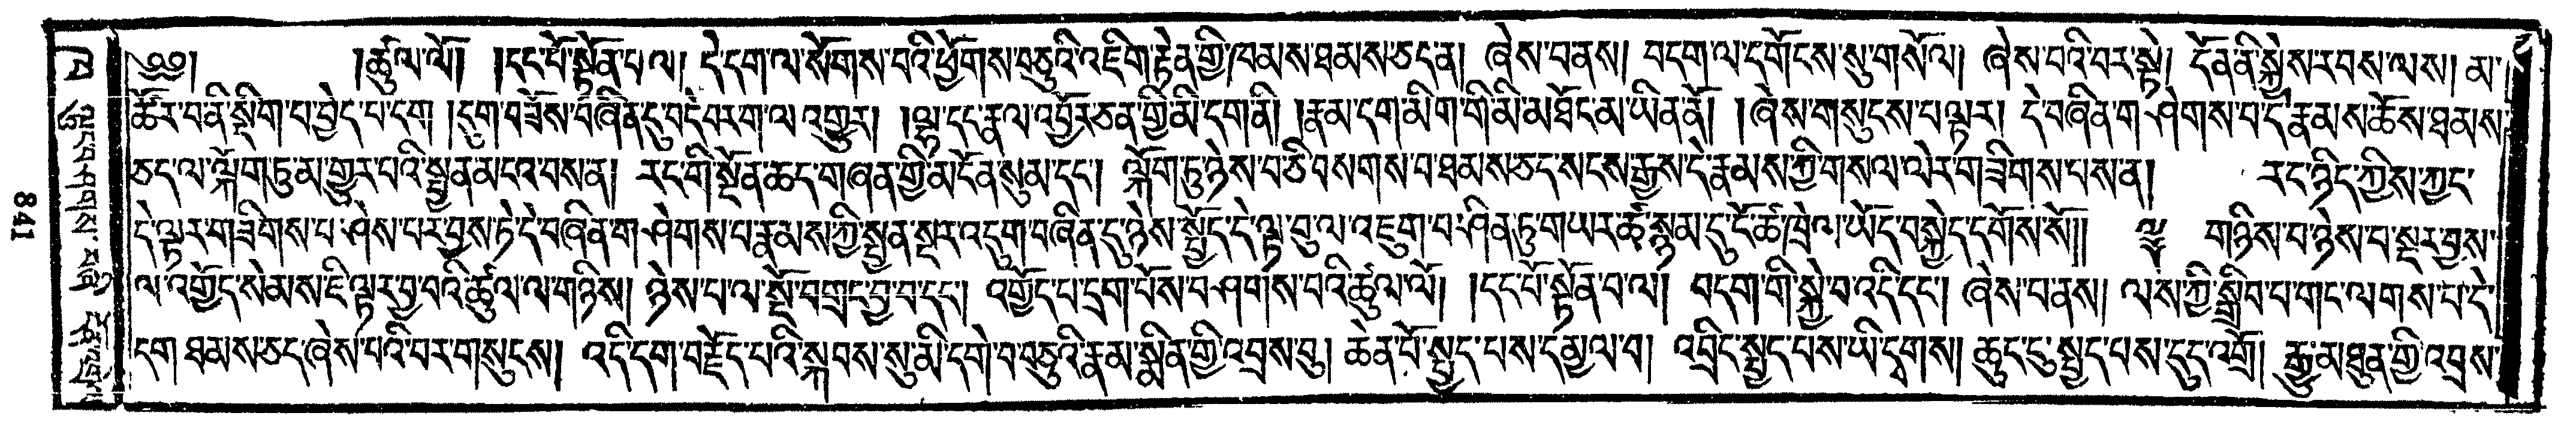༄༅། །ཚུལ་ལོ། །དང་པོ་སྟོན་པ་ལ། དེ་དག་ལ་སོགས་བའི་ཕྱོགས་བཅུའི་འཇིག་རྟེན་གྱི་ཁམས་ཐམས་ཅད་ན། ཞེས་བ་ནས། བདག་ལ་དགོངས་སུ་གསོལ། ཞེས་བའི་བར་སྟེ། དོན་ནི་སྐྱེས་རབས་ལས། མ་
ཚོར་བ་ནི་སྡིག་པ་བྱེད་པ་དག །དུག་བཟོས་བཞིན་དུ་བདེ་བར་ག་ལ་འགྱུར། །ལྷ་དང་རྣལ་འབྱོར་ཅན་གྱི་མི་དག་ནི། །རྣམ་དག་མིག་གི་མི་མཐོང་མ་ཡིན་ནོ། །ཞེས་གསུངས་པ་ལྟར། དེ་བཞིན་གཤེགས་པ་དེ་རྣམས་ཆོས་ཐམས་
ཅད་ལ་ལྐོག་ཏུ་མ་གྱུར་པའི་སྤྱན་མངའ་བས་ན། རང་གི་སྔོན་ཆད་གཞན་གྱི་མངོན་སུམ་དང་། ལྐོག་ཏུ་ཉེས་བ་ཅི་བསགས་བ་ཐམས་ཅད་སངས་རྒྱས་དེ་རྣམས་ཀྱི་གསལ་ལེར་གཟིགས་པས་ན། རང་ཉིད་ཀྱིས་ཀྱང་
དེ་ལྟར་གཟིགས་པ་ཤེས་པར་བྱས་ཏེ་དེ་བཞིན་གཤེགས་པ་རྣམས་ཀྱི་སྤྱན་སྔར་འདུག་བཞིན་དུ་ཉེས་སྤྱོད་དེ་ལྟ་བུ་ལ་འཇུག་པ་ཤིན་ཏུ་གཡར་ཚ་སྙམ་དུ་ངོ་ཚ་ཁྲེལ་ཡོད་བསྐྱེད་དགོས་སོ།། ༈ གཉིས་པ་ཉེས་བ་སྡར་བྱས་
ལ་འགྱོད་སེམས་ཇི་ལྟར་བྱ་བའི་ཚུལ་ལ་གཉིས། ཉེས་པ་ལ་སྔོ་བགྲང་བྱ་བ་དང་། འགྱོད་པ་དྲག་པོས་བཤགས་པའི་ཚུལ་ལོ། །དང་པོ་སྟོན་བ་ལ། བདག་གི་སྐྱེ་བ་འདི་དང་། ཞེས་བ་ནས། ལས་ཀྱི་སྒྲིབ་པ་གང་ལགས་པ་དེ་
དག་ཐམས་ཅད་ཞེས་པའི་བར་གསུངས། འདི་དག་བརྗོད་པའི་སྐབས་སུ་མི་དགེ་བ་བཅུའི་རྣམ་སྨིན་གྱི་འབྲས་བུ། ཆེན་པོ་སྤྱད་པས་དམྱལ་བ། འབྲིང་སྤྱད་པས་ཡི་དྭགས། ཆུང་དུ་སྤྱད་པས་དུད་འགྲོ། རྒྱུ་མཐུན་གྱི་འབྲས་